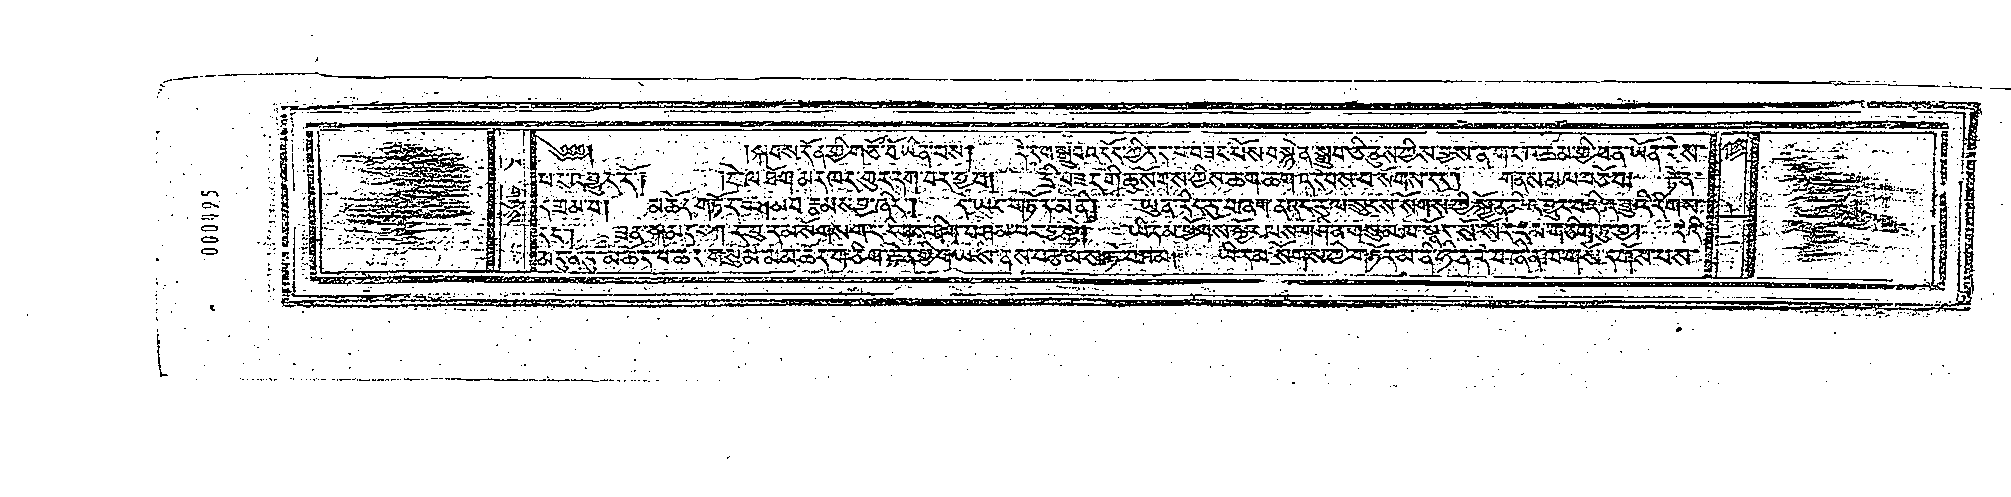༄༅༅། །སྐབས་དོན་གྱི་གཙོ་བོ་ཡིན་པས། དེ་དག་སྒྲུབ་འདོད་ཀྱི་དང་པ་བཟང་པོས་བསྙེན་སྒྲུབ་ཅི་ནུས་ཀྱིས་བྱས་ན་གང་འཚམ་གྱི་ཕན་ཡོན་ངེས་
པར་འབྱུང་ངོ། །དེ་ལ་ཐོག་མར་ཁང་གུར་དག་བར་བྱ་བ། དྲི་བཟང་གི་ཆུ་སོགས་ཀྱིས་ཆག་ཆག་འདེབས་བ་སོགས་དང་། གནས་མལ་བཅོ་བ། རྟེན་
དཀྲམ་པ། མཆོད་གཏོར་བཤམ་པ་རྣམས་བྱ་ཞིང་། དེ་ཡང་གཏོར་མ་ནི། ཡུན་རིང་དུ་བཞག་ནའང་རུལ་སུངས་སོགས་ཀྱི་སྐྱོན་མི་འབྱུང་བའི་འབྲུའི་རིགས་
དང་། ཟན་སྐམ་དང་ཀ་ར་བུ་རམ་སོགས་གང་རིགས་ཤིག་བཤམ་པར་བྱ་སྟེ། ཡི་དམ་ཕྱོགས་སྐྱོང་ལས་གཤིན་གསུམ་ལ་སྣོད་སོ་སོར་རིམ་གཅིག་ཏུ་བྱ། དེའི་
མདུན་དུ་མཆོད་པ་ཚར་གསུམ་མམ་ཚང་གཅིག་རྟེན་གྱི་གཡས་ནས་བརྩམས་ཏེ་བཤམ། ཡི་དམ་སོགས་ཀྱི་གཏོར་མ་ནི་ཉིན་རེ་བ་ཞིན་ཁ་གསོལ་དགོས་པས་